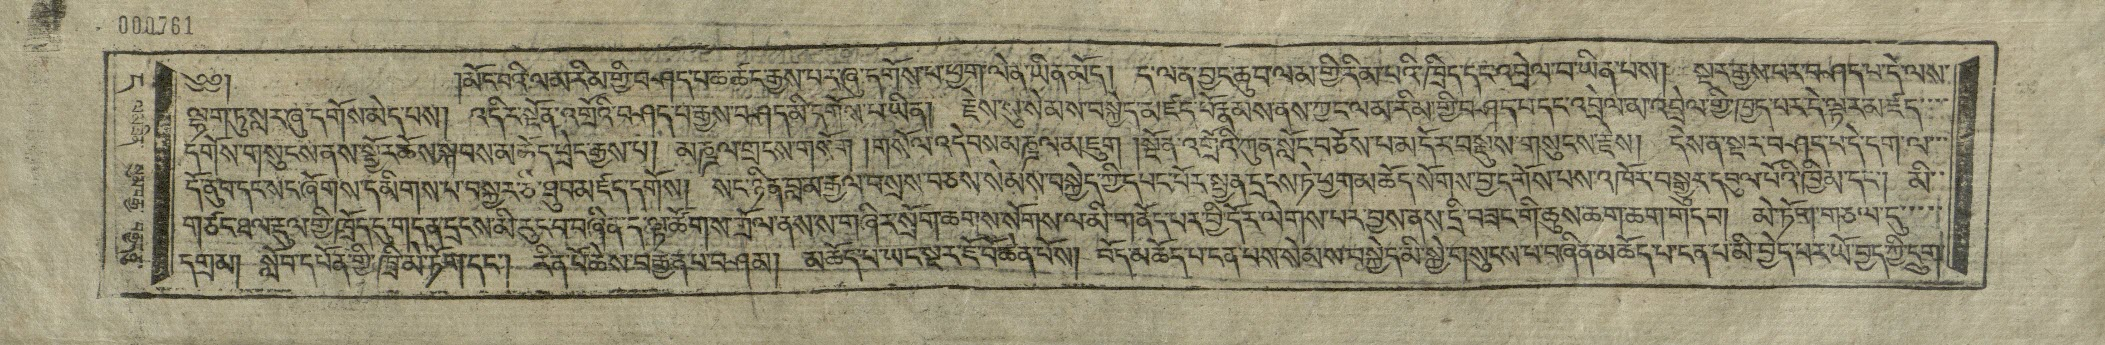༄༅། །མོང་བའི་ལམ་རིམ་གྱི་བཤད་པ་ཆ་ཚང་རྒྱས་པར་ཞུ་དགོས་པ་ཕྱག་ལེན་ཡིན་མོད། ད་ལན་བྱང་ཆུབ་ལམ་གྱི་རིམ་པའི་ཁྲིད་དང་འབྲེལ་པ་ཡིན་པས། སྔར་རྒྱས་པར་བཤད་པ་དེ་ལས་
ལྷག་ཏུ་སླར་ཞུ་དགོས་མེད་པས། འདིར་སྔོན་འགྲོའི་བཤད་པ་རྒྱས་བཤད་མི་དགོས་པ་ཡིན། རྗེས་སུ་སེམས་བསྐྱེད་མཛད་པོ་རྣམས་ནས་ཀྱང་ལམ་རིམ་གྱི་བཤད་པ་དང་འབྲེལ་མ་འབྲེལ་གྱི་ཁྱད་པར་དེ་ལྟར་མཛད་
དགོས་གསུངས་ནས་སྦྱོར་ཆོས་སྐབས་མཆོད་ཕྲེང་རྒྱས་པ། མཎྜལ་?་གྲངས་གསོག །གསོལ་འདེབས་མཎྜལ་མཇུག །སྔོན་འགྲོའི་ཀུན་སློང་བཅོས་པ་མདོར་བསྡུས་གསུངས་རྗེས། དེས་ན་སྔར་བཤད་པ་དེ་དག་ལ་
དོ་ནུབ་དང་སང་ཞོགས་དམིགས་པ་བསྐྱར་ཅི་ཐུབ་མཛད་དགོས། སང་ཉིན་བླ་མ་རྒྱལ་བ་སྲས་བཅས་སེམས་བསྐྱེད་ཀྱི་དཔང་?་པོར་སྤྱན་དྲངས་ཏེ་ཕྱག་མཆོད་སོགས་བྱ་དགོས་པས་འཁོར་བསྒྱུར་དབུལ་པོའི་ཁྱིམ་དང་། མི་
གཙང་ཐལ་རྡུལ་གྱི་ཁྲོད་དུ་གདན་དྲངས་མི་རུང་བ་བཞིན་ད་ལྟ་ཚོགས་གྲོལ་ནས་ས་གཞིར་སྲོག་ཆགས་སོགས་ལ་མི་གནོད་པར་བྱི་དོར་ལེགས་པར་བྱས་ནས་དྲི་བཟང་གི་ཆུས་ཆག་ཆག་གདབ། མེ་ཏོག་གཙལ་དུ་
དགྲམ། སློབ་དཔོན་གྱི་ཁྲི་མེ་ཏོག་དང་། རིན་པོ་ཆེས་བརྒྱན་པ་བཤམ། མཆོད་པ་ཡང་སྔར་ཇོ་བོ་ཆེན་པོས། བོད་མཆོད་པ་ངན་པས་སེམས་བསྐྱེད་མི་སྐྱེ་གསུངས་པ་བཞིན་མཆོད་པ་ངན་པ་མི་བྱེད་པར་ཡོ་བྱད་ཀྱི་དྲུག་